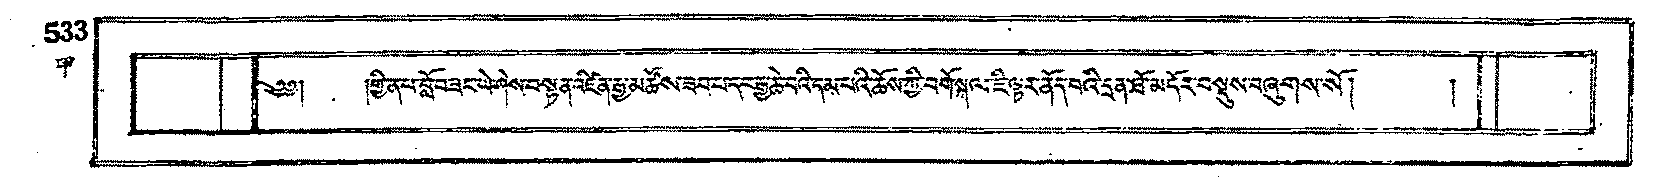༄༅། །གྱི་ན་པ་བློ་བཟང་ཡེ་ཤེས་བསྟན་འཛིན་རྒྱ་མཚོས་ཟབ་པ་དང་རྒྱ་ཆེ་བའི་དམ་པའི་ཆོས་ཀྱི་བགོ་སྐལ་ཇི་ལྟར་ནོད་བའི་དྲན་ཐོ་མདོར་བསྡུས་བཞུགས་སོ། །